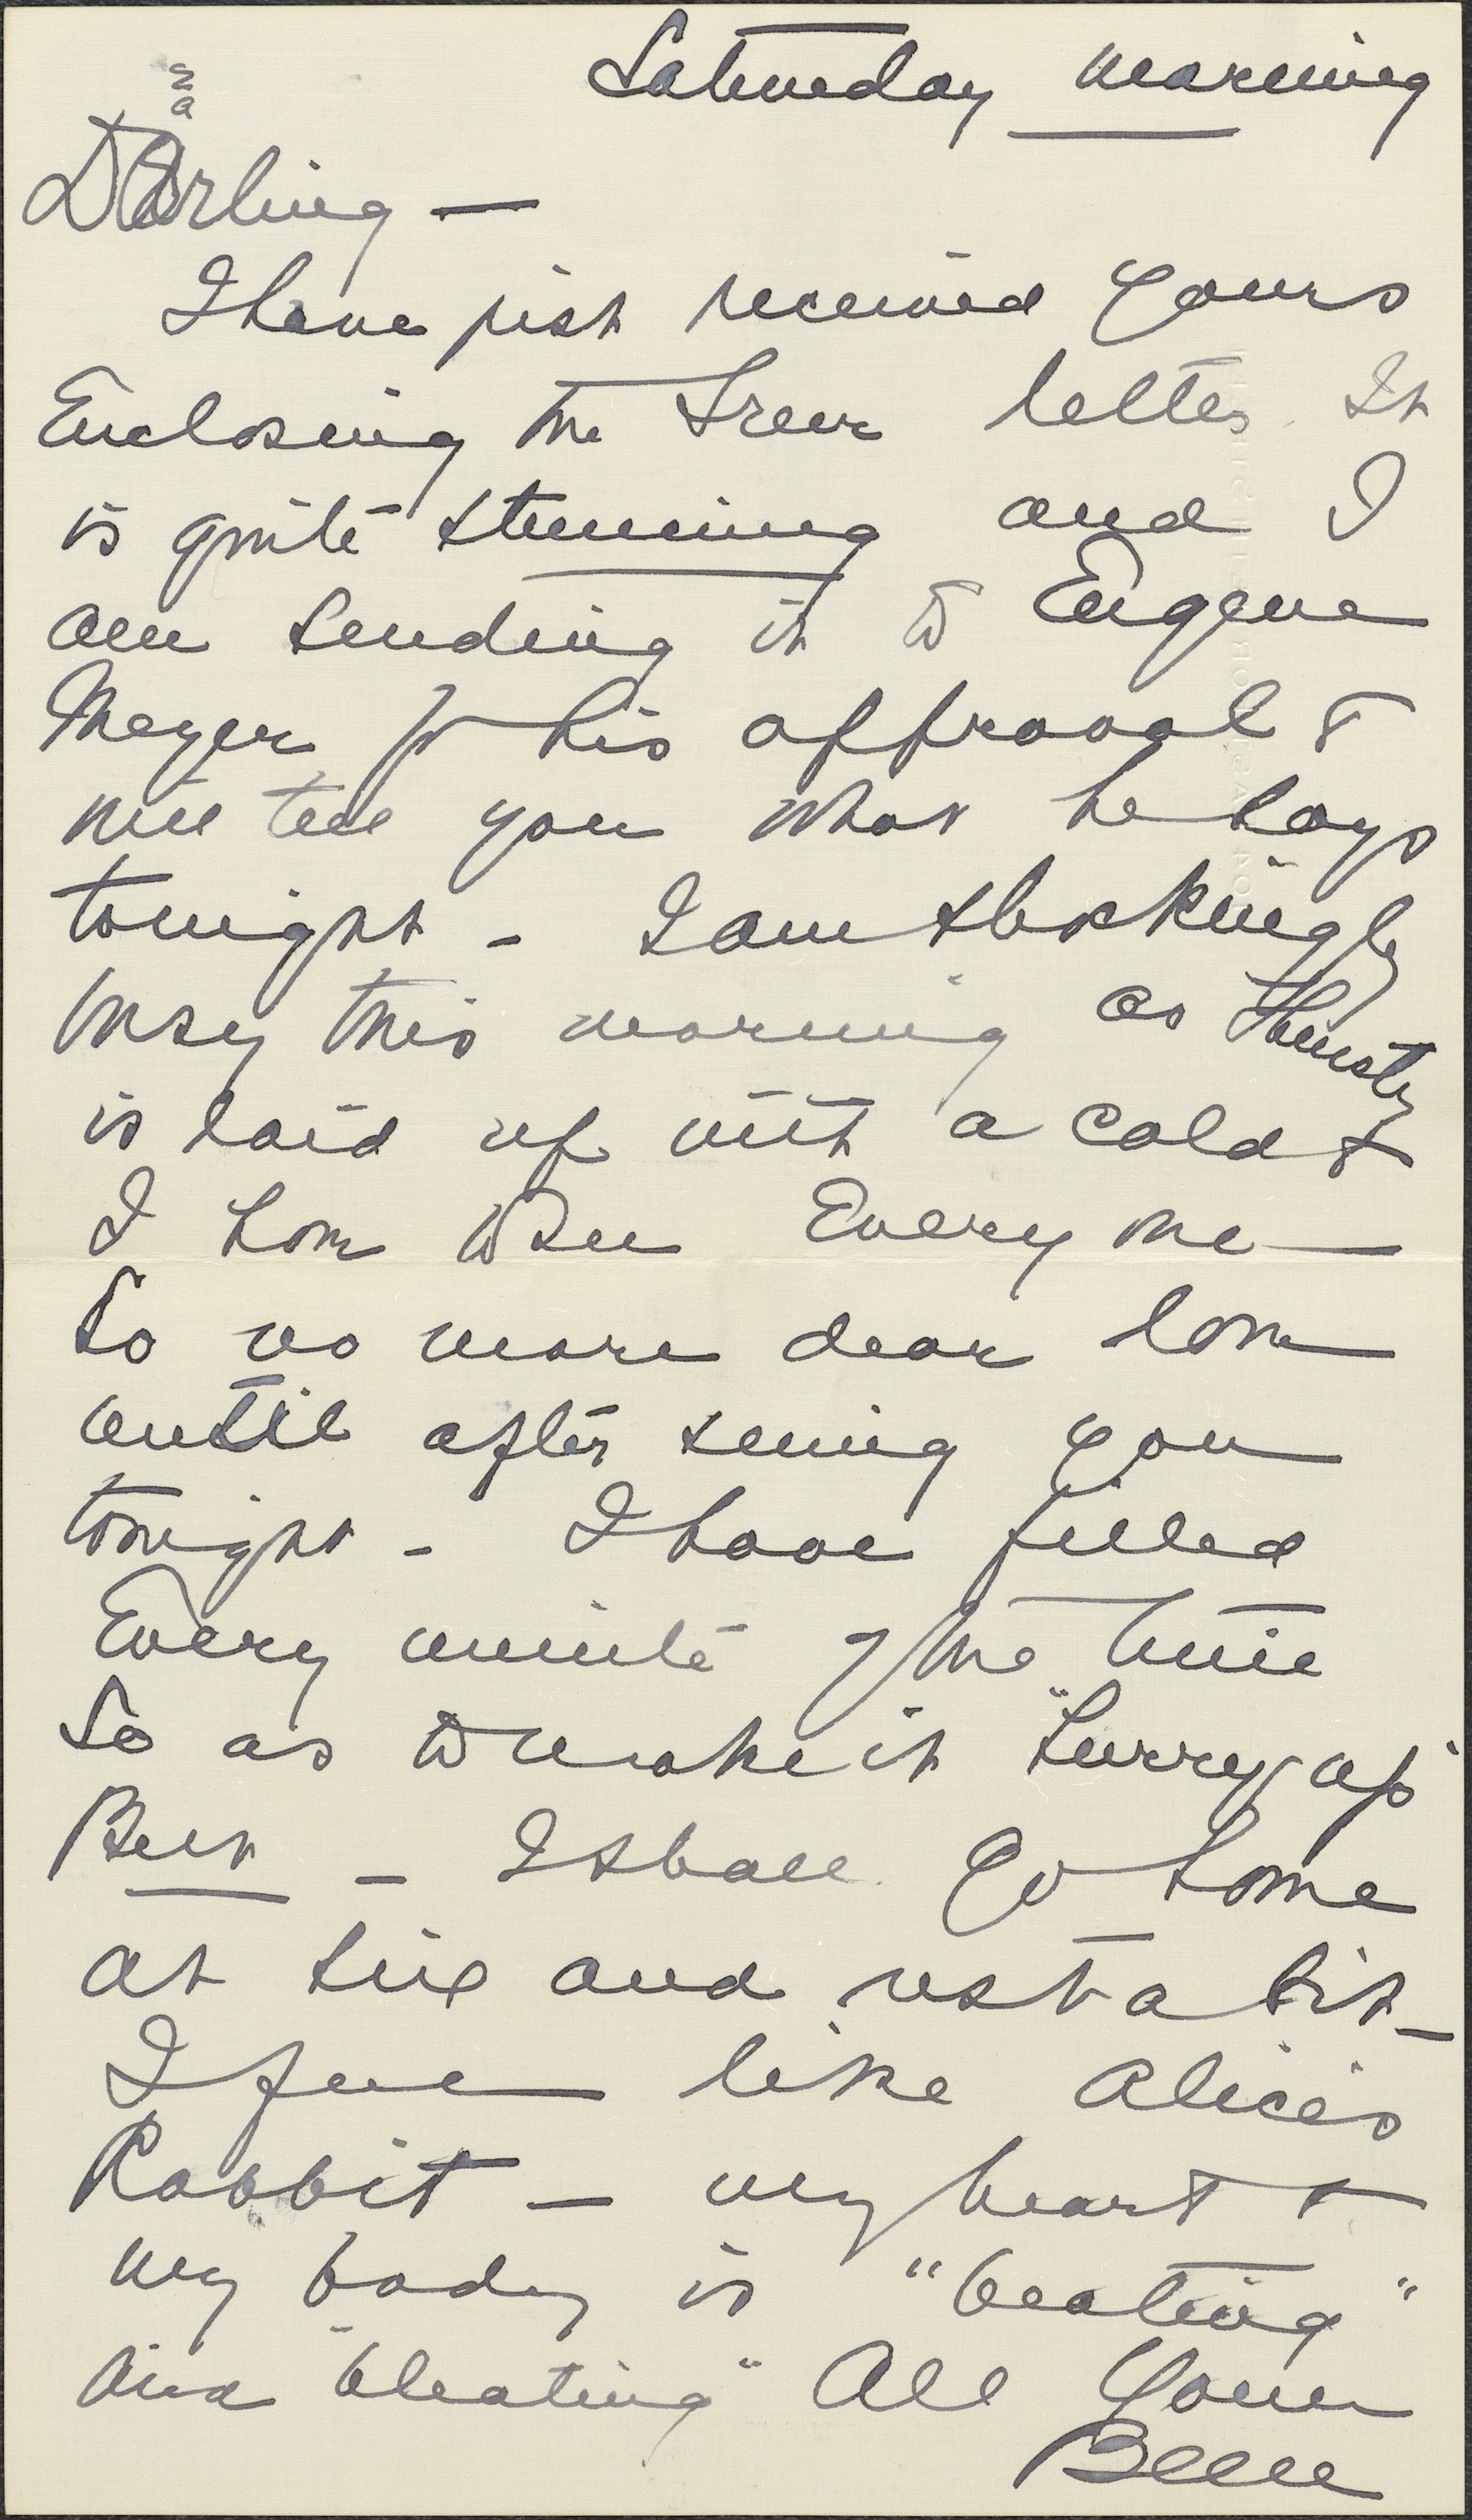Saturday morning
Darling –
I have just received yours enclosing the Freer letter. It is quite stunning and I am sending it to Eugene Meyer for his approval & will tell you what he says tonight – I am shockingly busy this morning as Thursty is laid up with a cold & I have to see every one – So no more dear love until after seeing you tonight – I have filled every minute of the time so as to make it “hurry up” But – I shall go home at six and rest a bit – I feel like Alice’s Rabbit – my heart & my body is “beating” and “bleating” All Yours
Belle